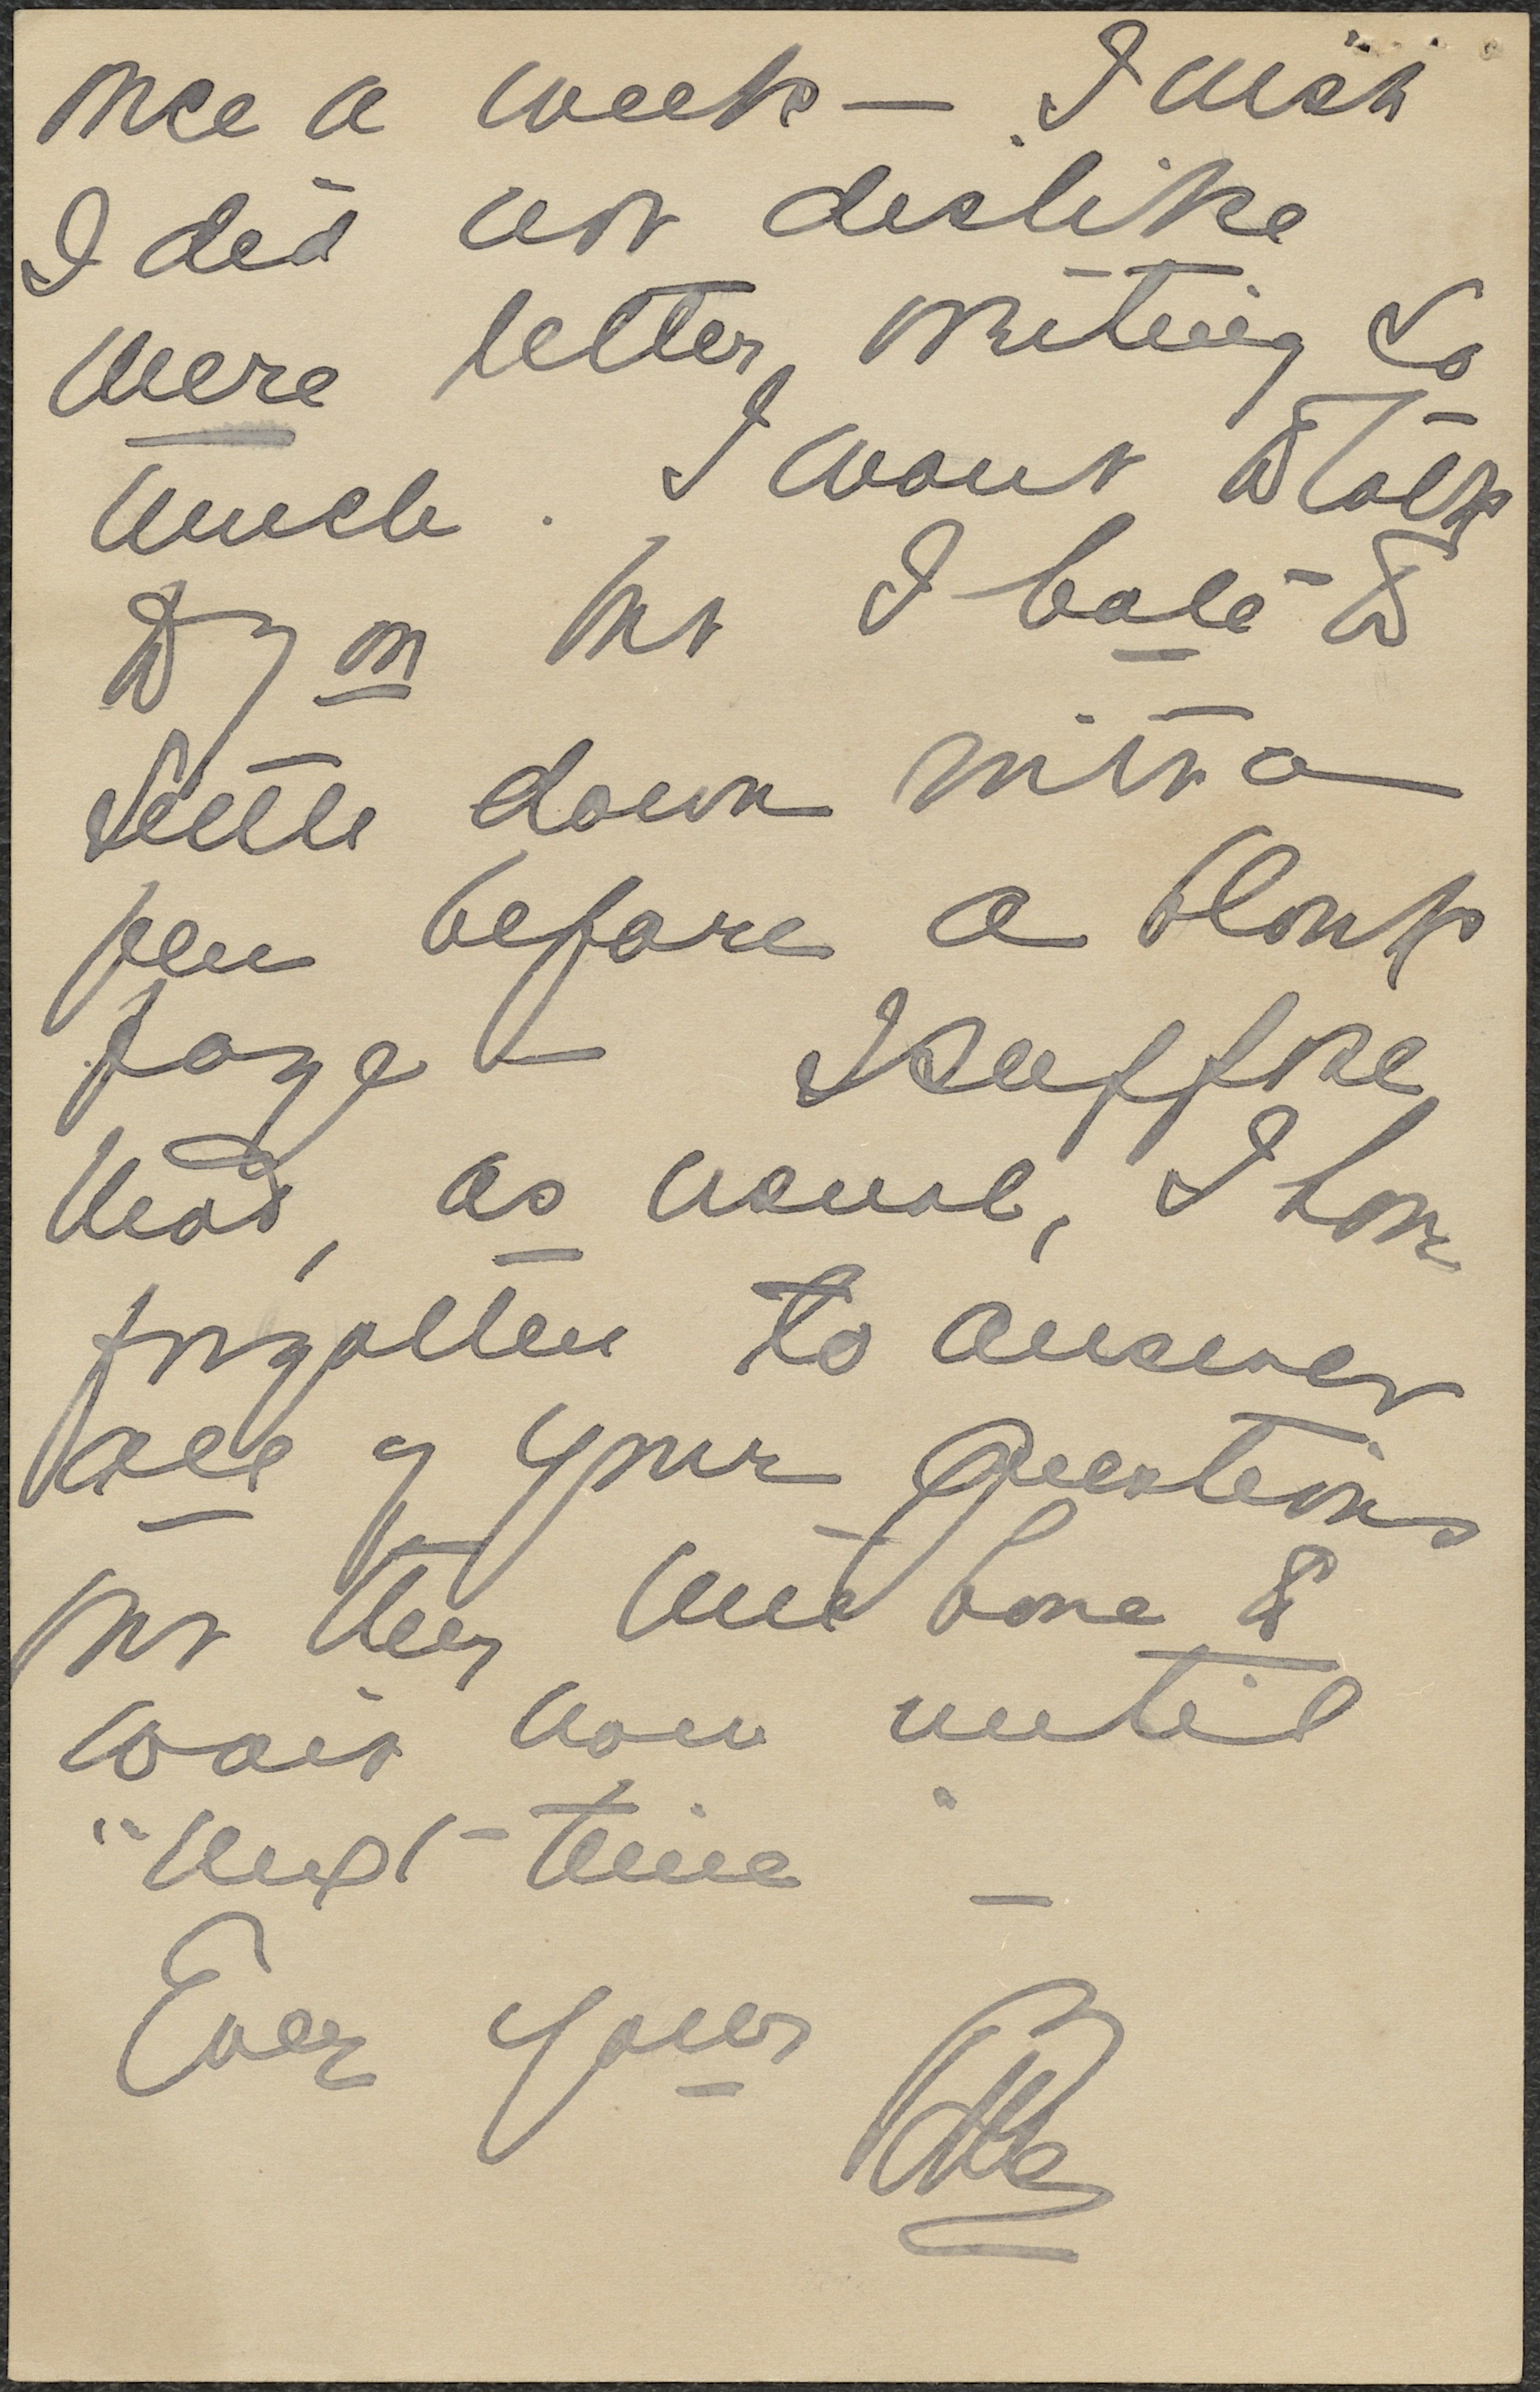one a week – I wish I did not dislike mere letter writing so much. I want to talk to you but I hate to settle down with a pen before a blank page – I suppose that, as usual, I have forgotten to answer all of your questions but they will have to wait now until “next time” –
Ever your Belle